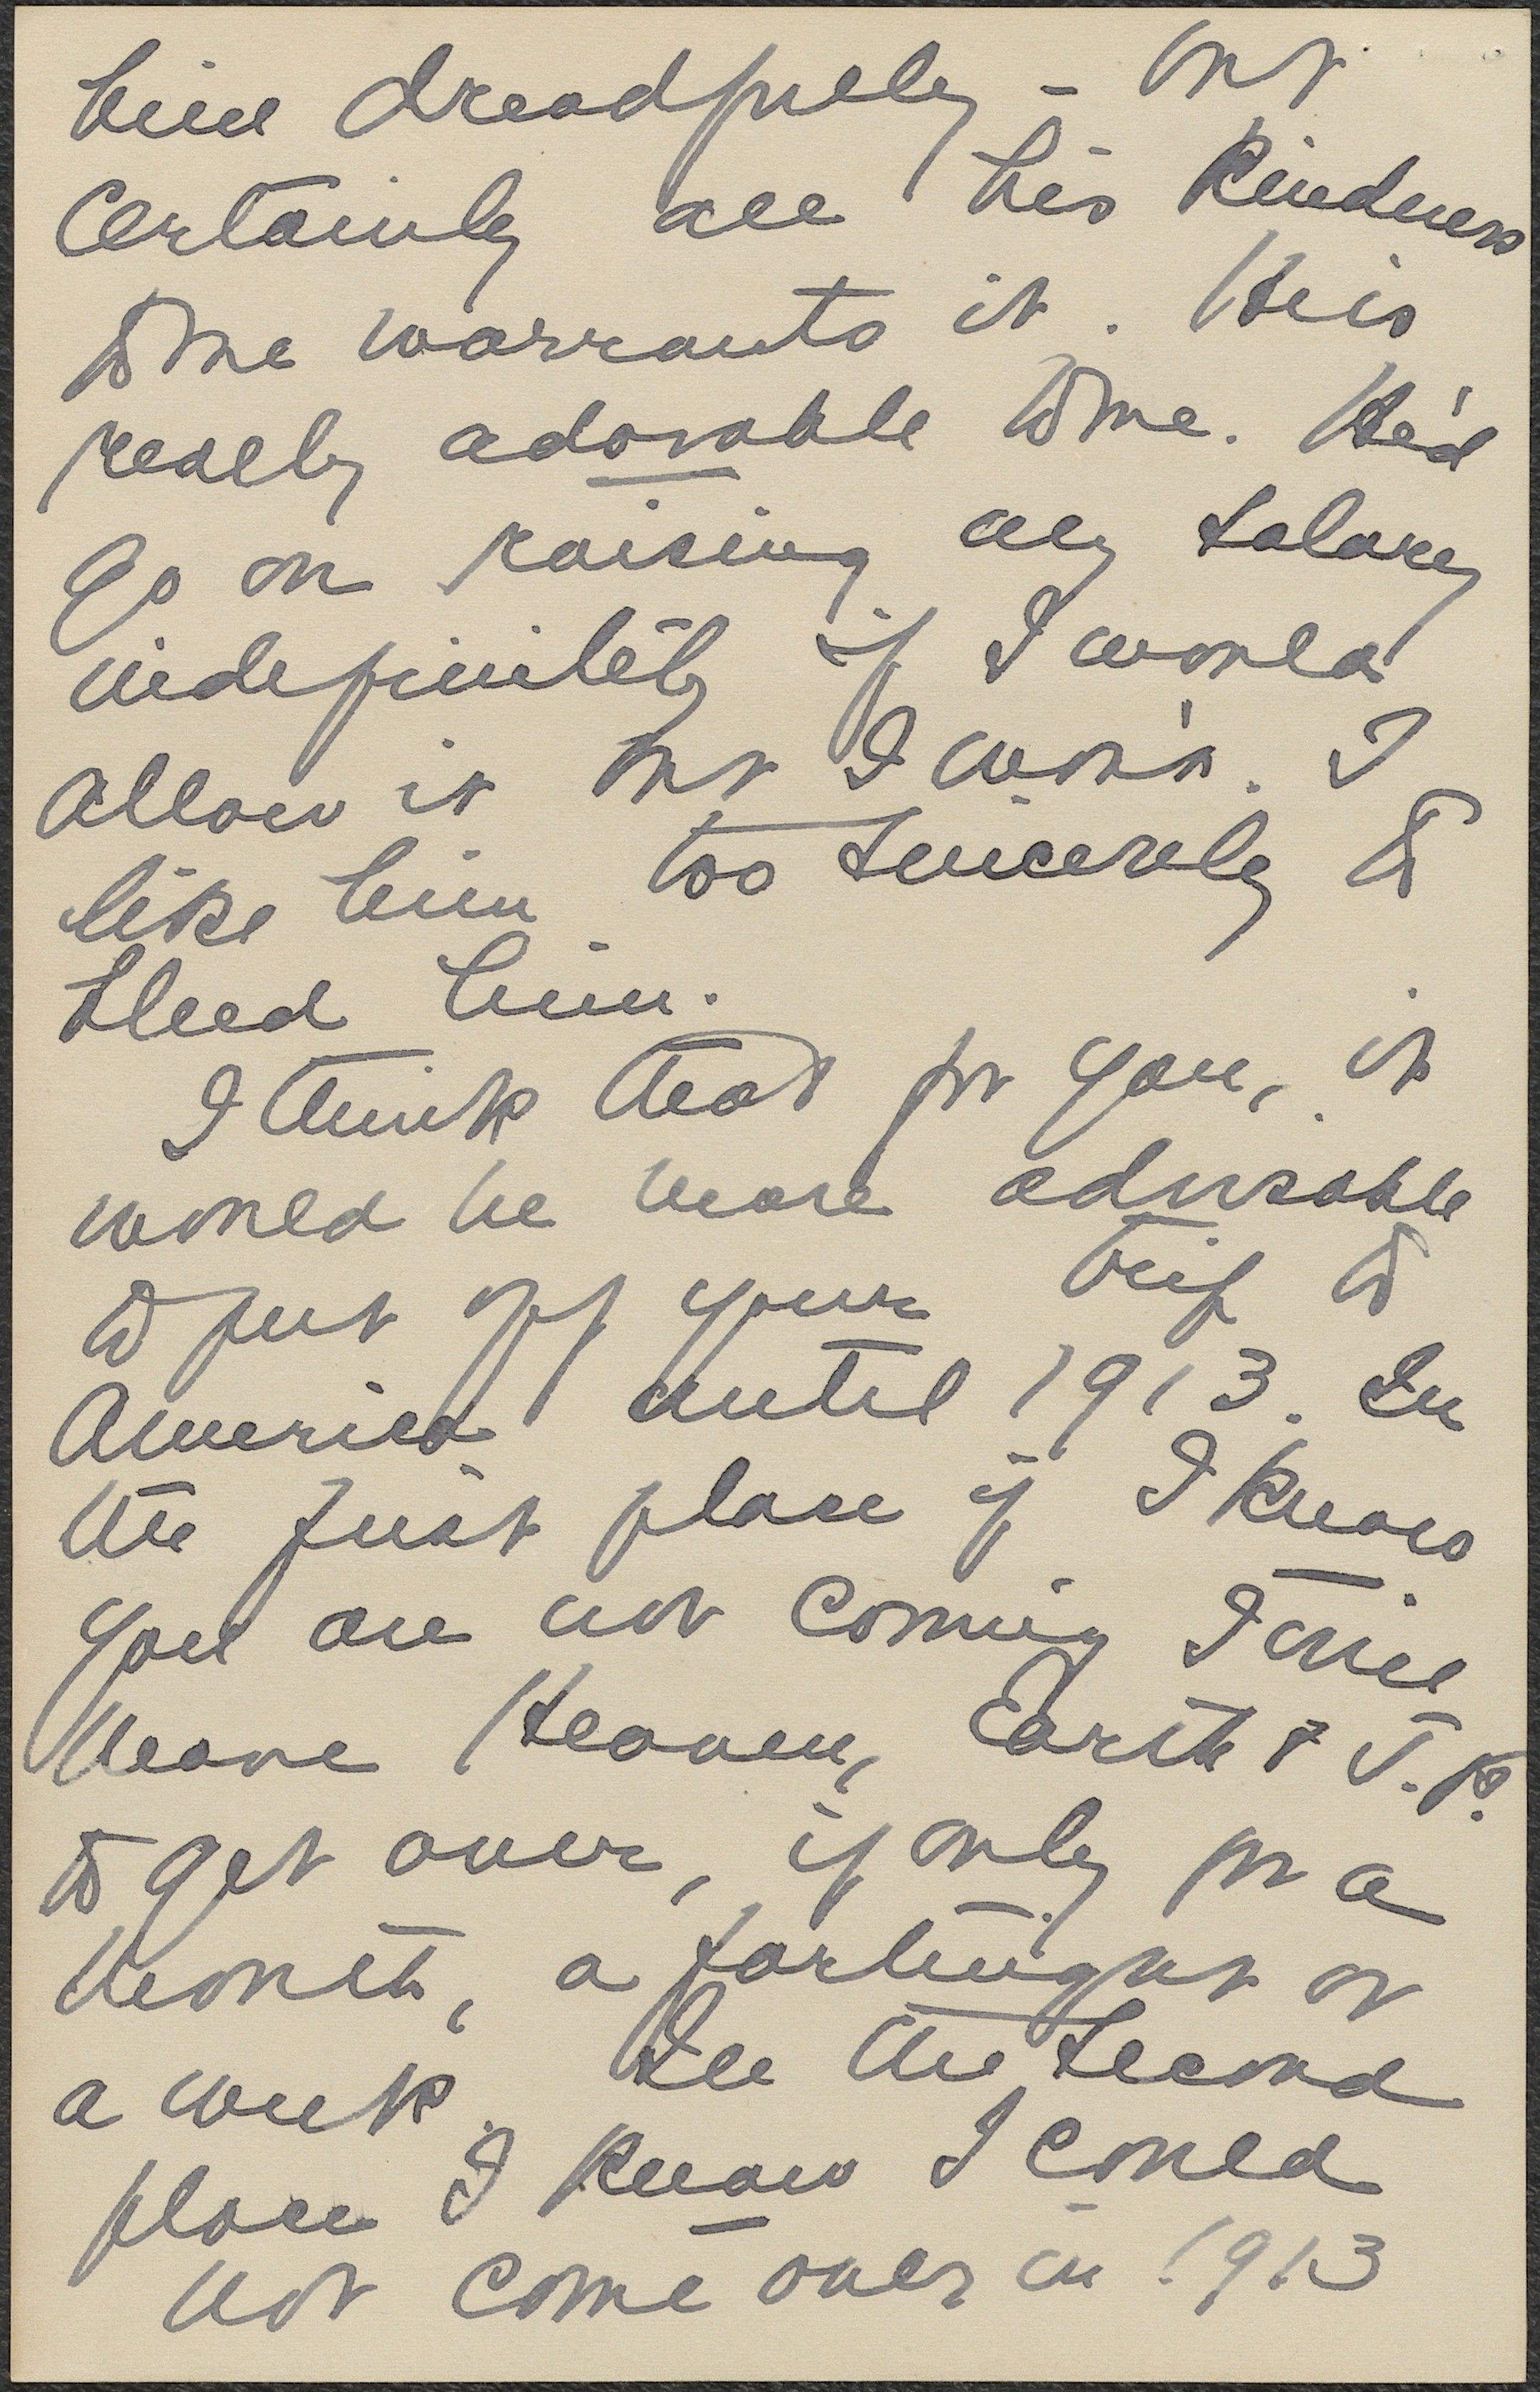him dreadfully – but certainly all his kindness to me warrants it. He is really adorable to me. He’d go on raising my salary indefinitely if I would allow it but I won’t. I like him too sincerely to bleed him.
I think that for you, it would be more advisable to put off your trip to America until 1913. In the first place if I know you are not coming I will Move Heaven, Earth & J. P. to get over, if only for a month, a fortnight or a week. In the second place I know I could not come over in 1913